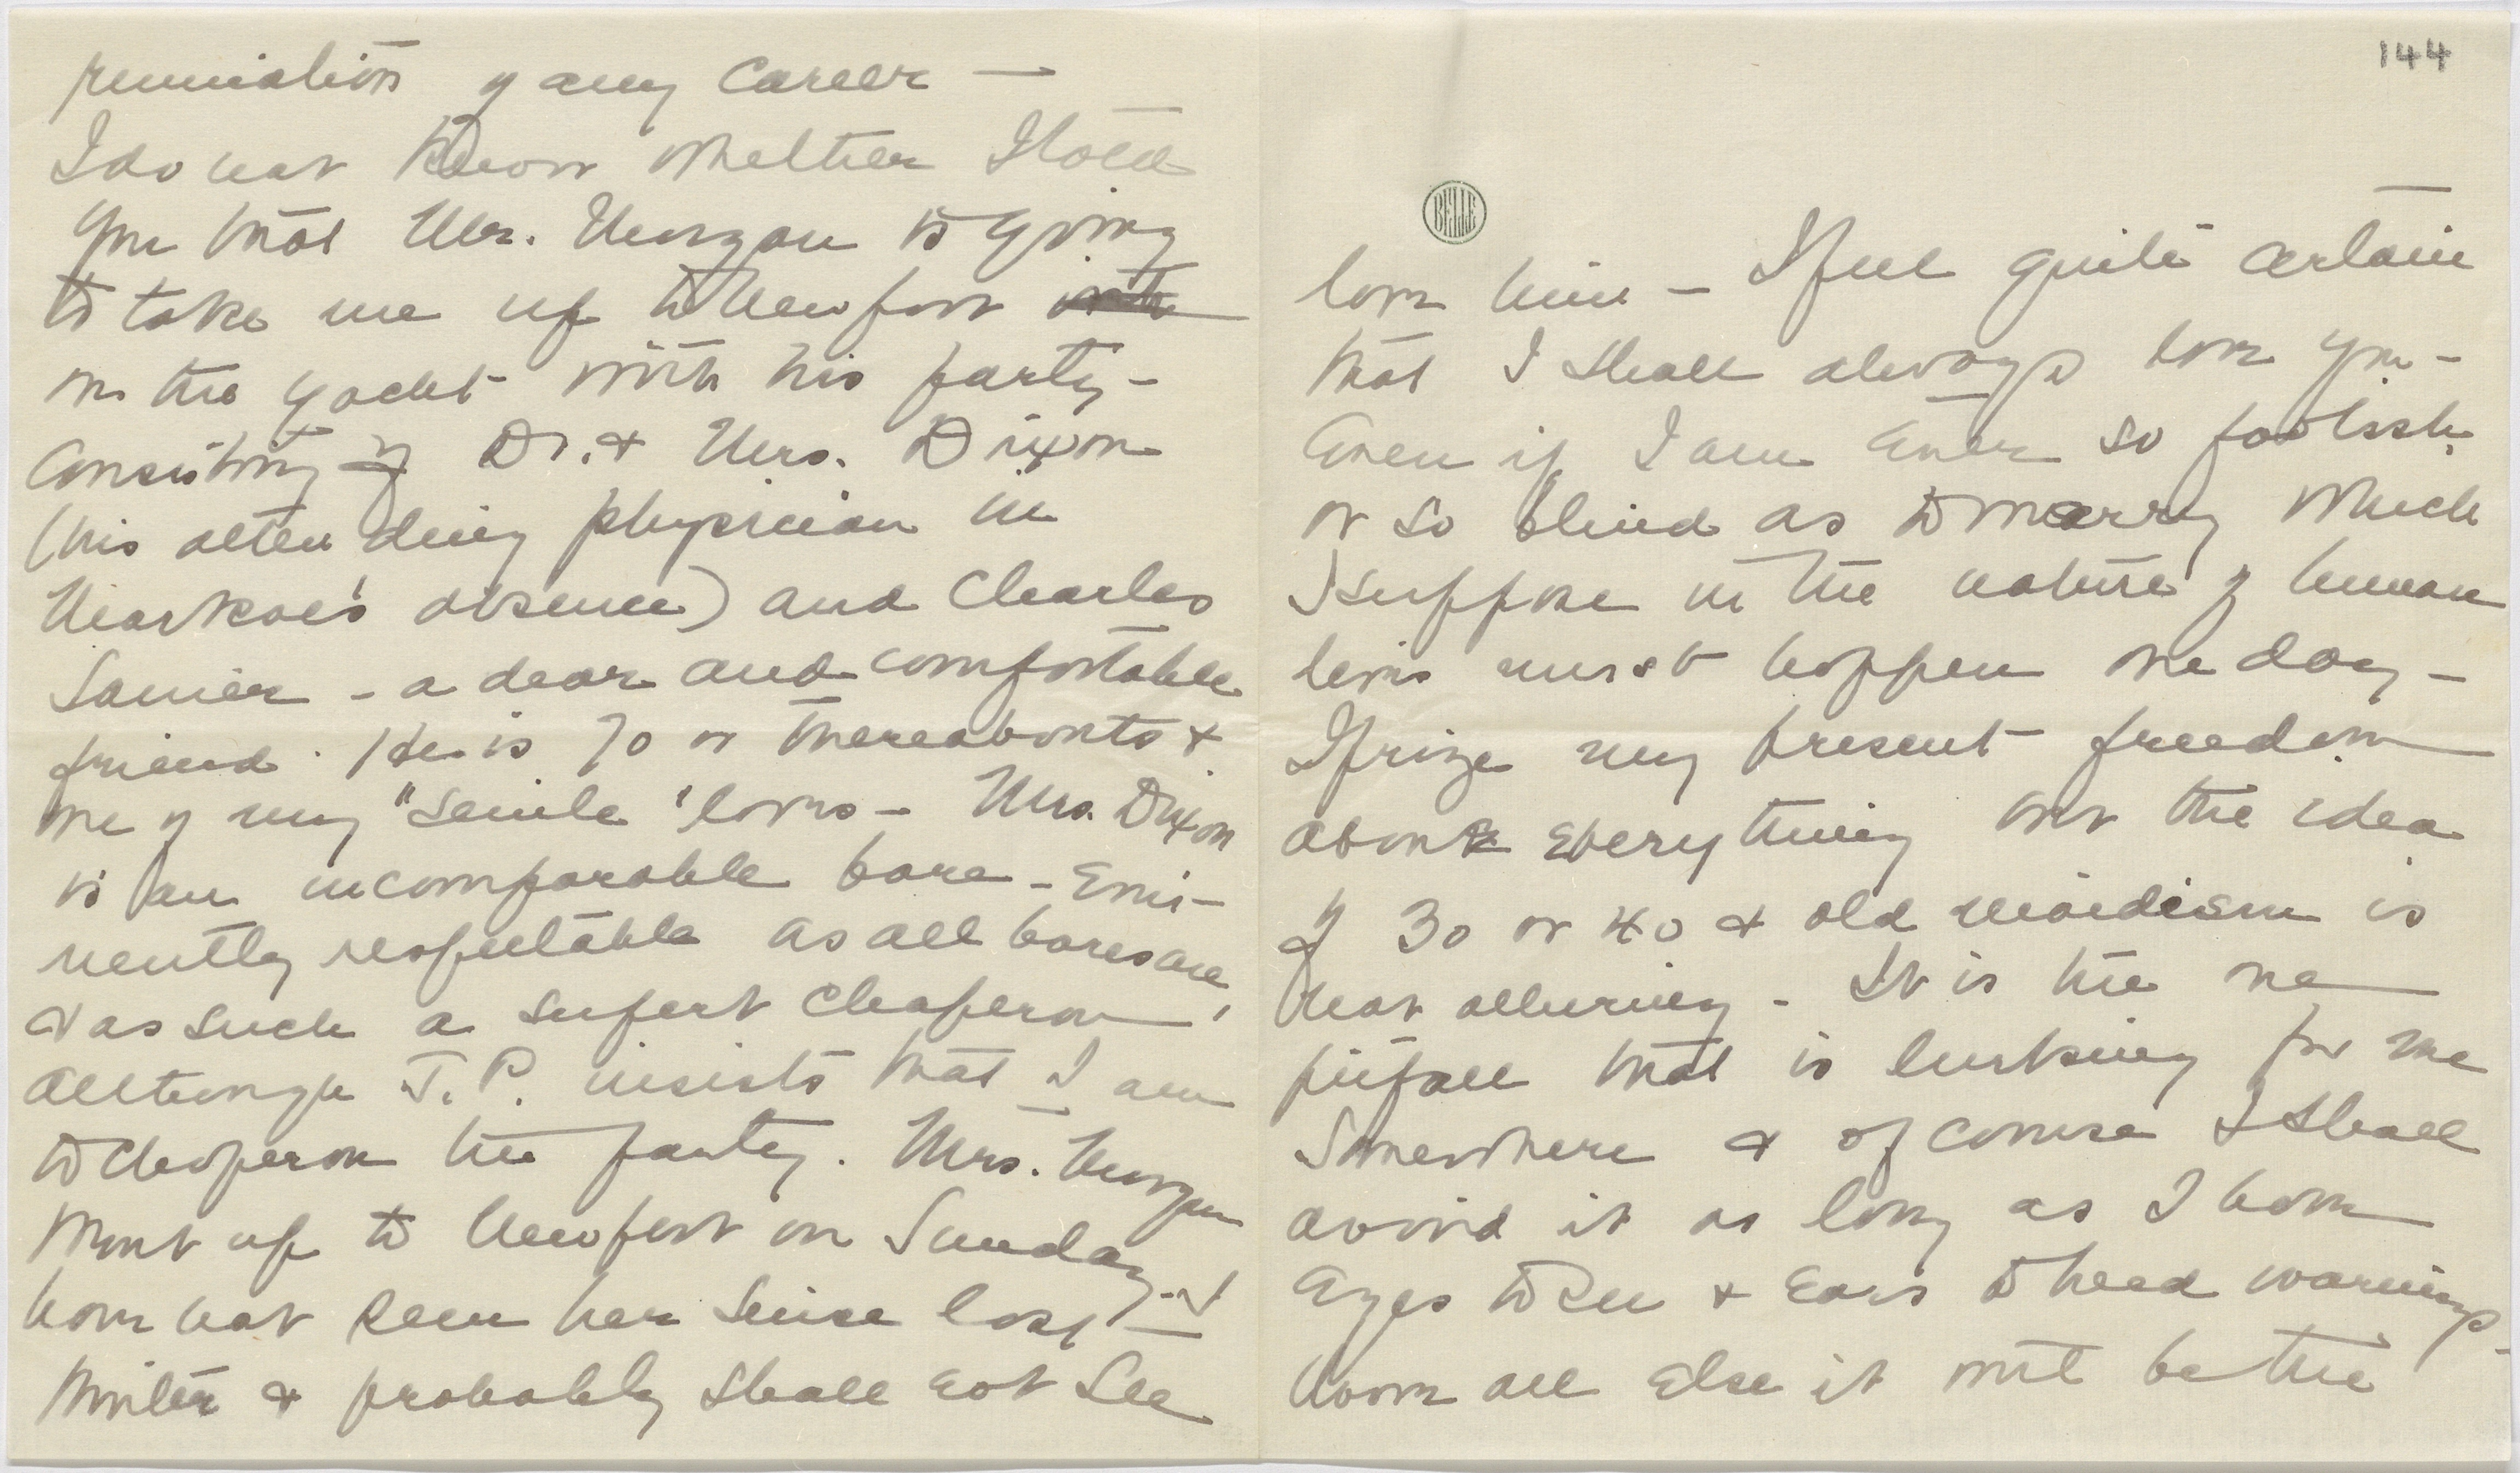love him – I feel quite certain that I shall always love you – even if I am ever so foolish or so blind as to marry which I suppose in the nature of human love must happen one day – I prize my present freedom aboutve everything but the idea of 30 or 40 & old maidism is not alluring – it is the one pitfall that is lurking for me somewhere & of course I shall avoid it as long as I have eyes to see & ears to heed warnings – above all else it will be the
ruination of my career – I do not know whether I told you that Mr. Morgan is going to take me up to Newport with on the yacht with his party – consisting of Dr. & Mrs. Dixon (his attending physician in Markoe’s absence) and Charles Lanier – a dear and comfortable friend. He is 70 or thereabouts & one of my “senile” loves – Mrs. Dixon is an incomparable bore – eminently respectable as all bores are, & as such a superb chaperone although J. P. insists that I am to chaperone his party. Mrs. Morgan went up to Newport on Sunday. I have not seen her since last winter & probably shall not see